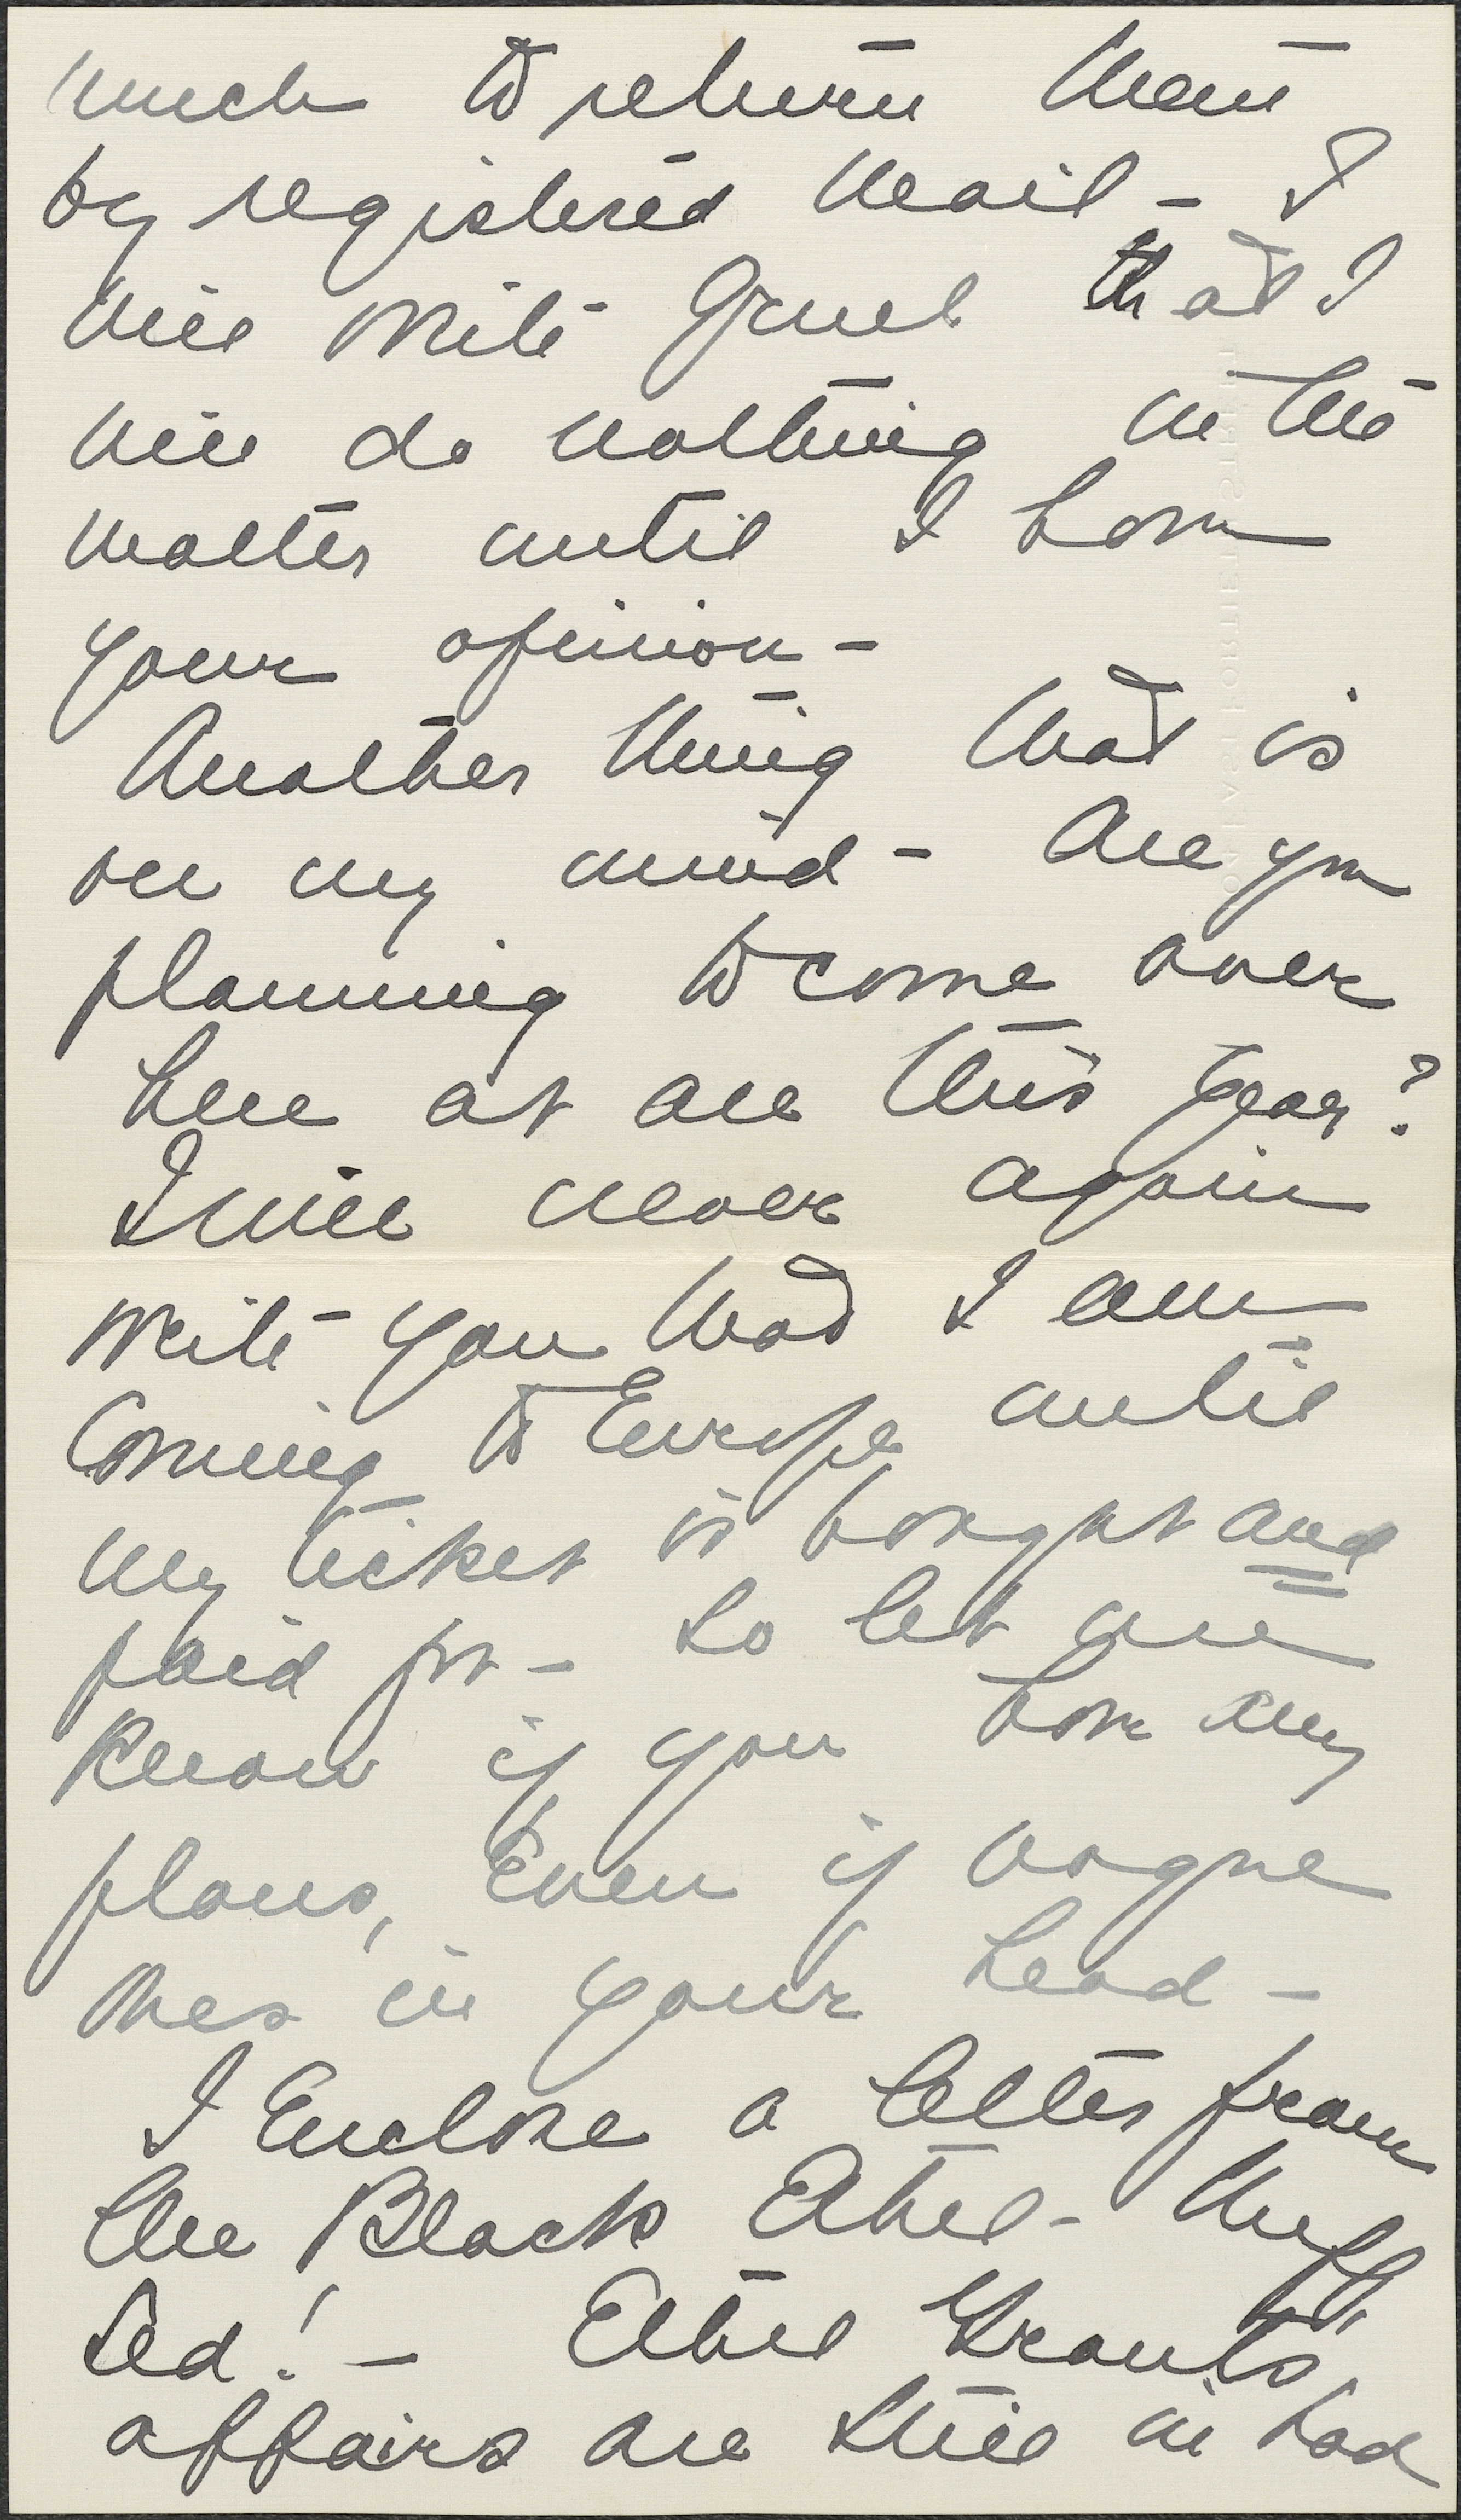much to return them by registered mail – I will write Gruel that I will do nothing on the matter until I have your opinion –
Another thing that is on my mind – Are you planning to come over here at all this year? I will never again write you that I am coming to Europe until my ticket is bought [double underlined: and] paid for – so let me know if you have any plans, even if vague ones in your head – I enclose a letter from the Black Ethel – Nuff sed! – Ethel Grant’s affairs are still in bad